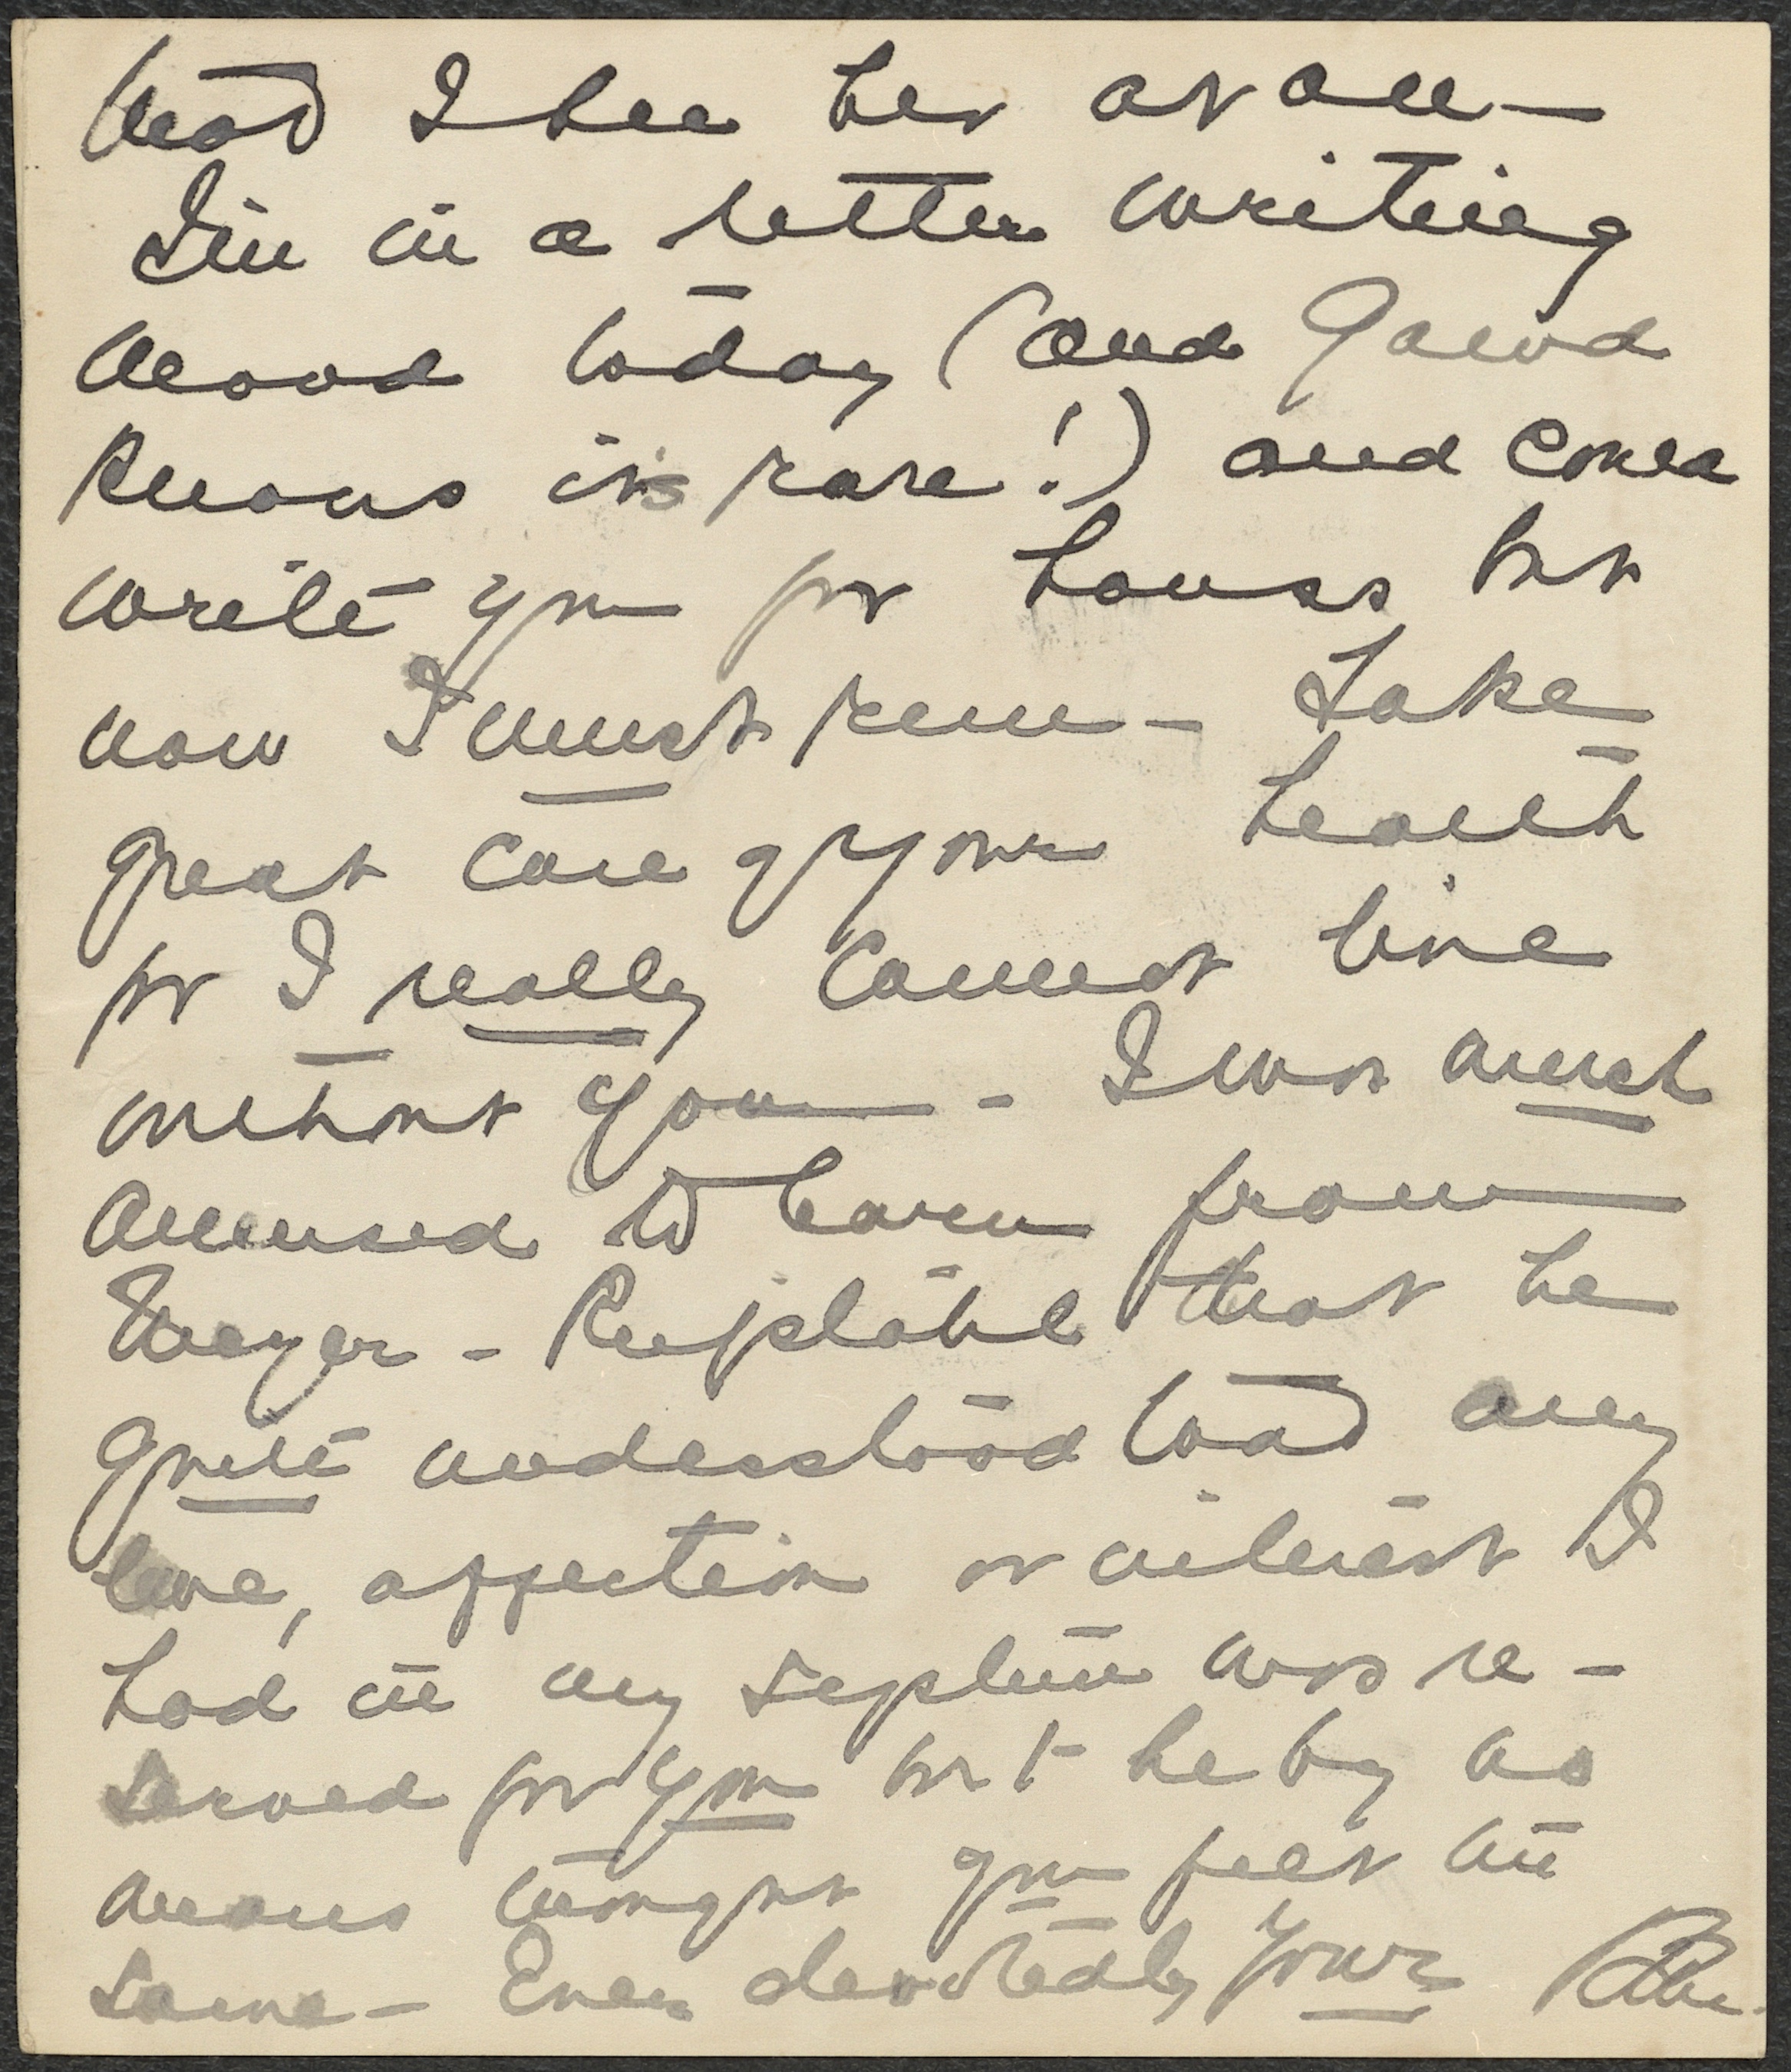that I see her at all – I’m in a letter writing mood today (and Gawd knows it’s rare!) and could write you for hours but now I must run – take great care of your health for I really cannot live without you – I was much amused to learn from Meyer-Riefstahl that he quite understood that any love, affection or interest I had in my system was reserved for you but he by no means thought you felt the same – Ever devotedly Yours Belle